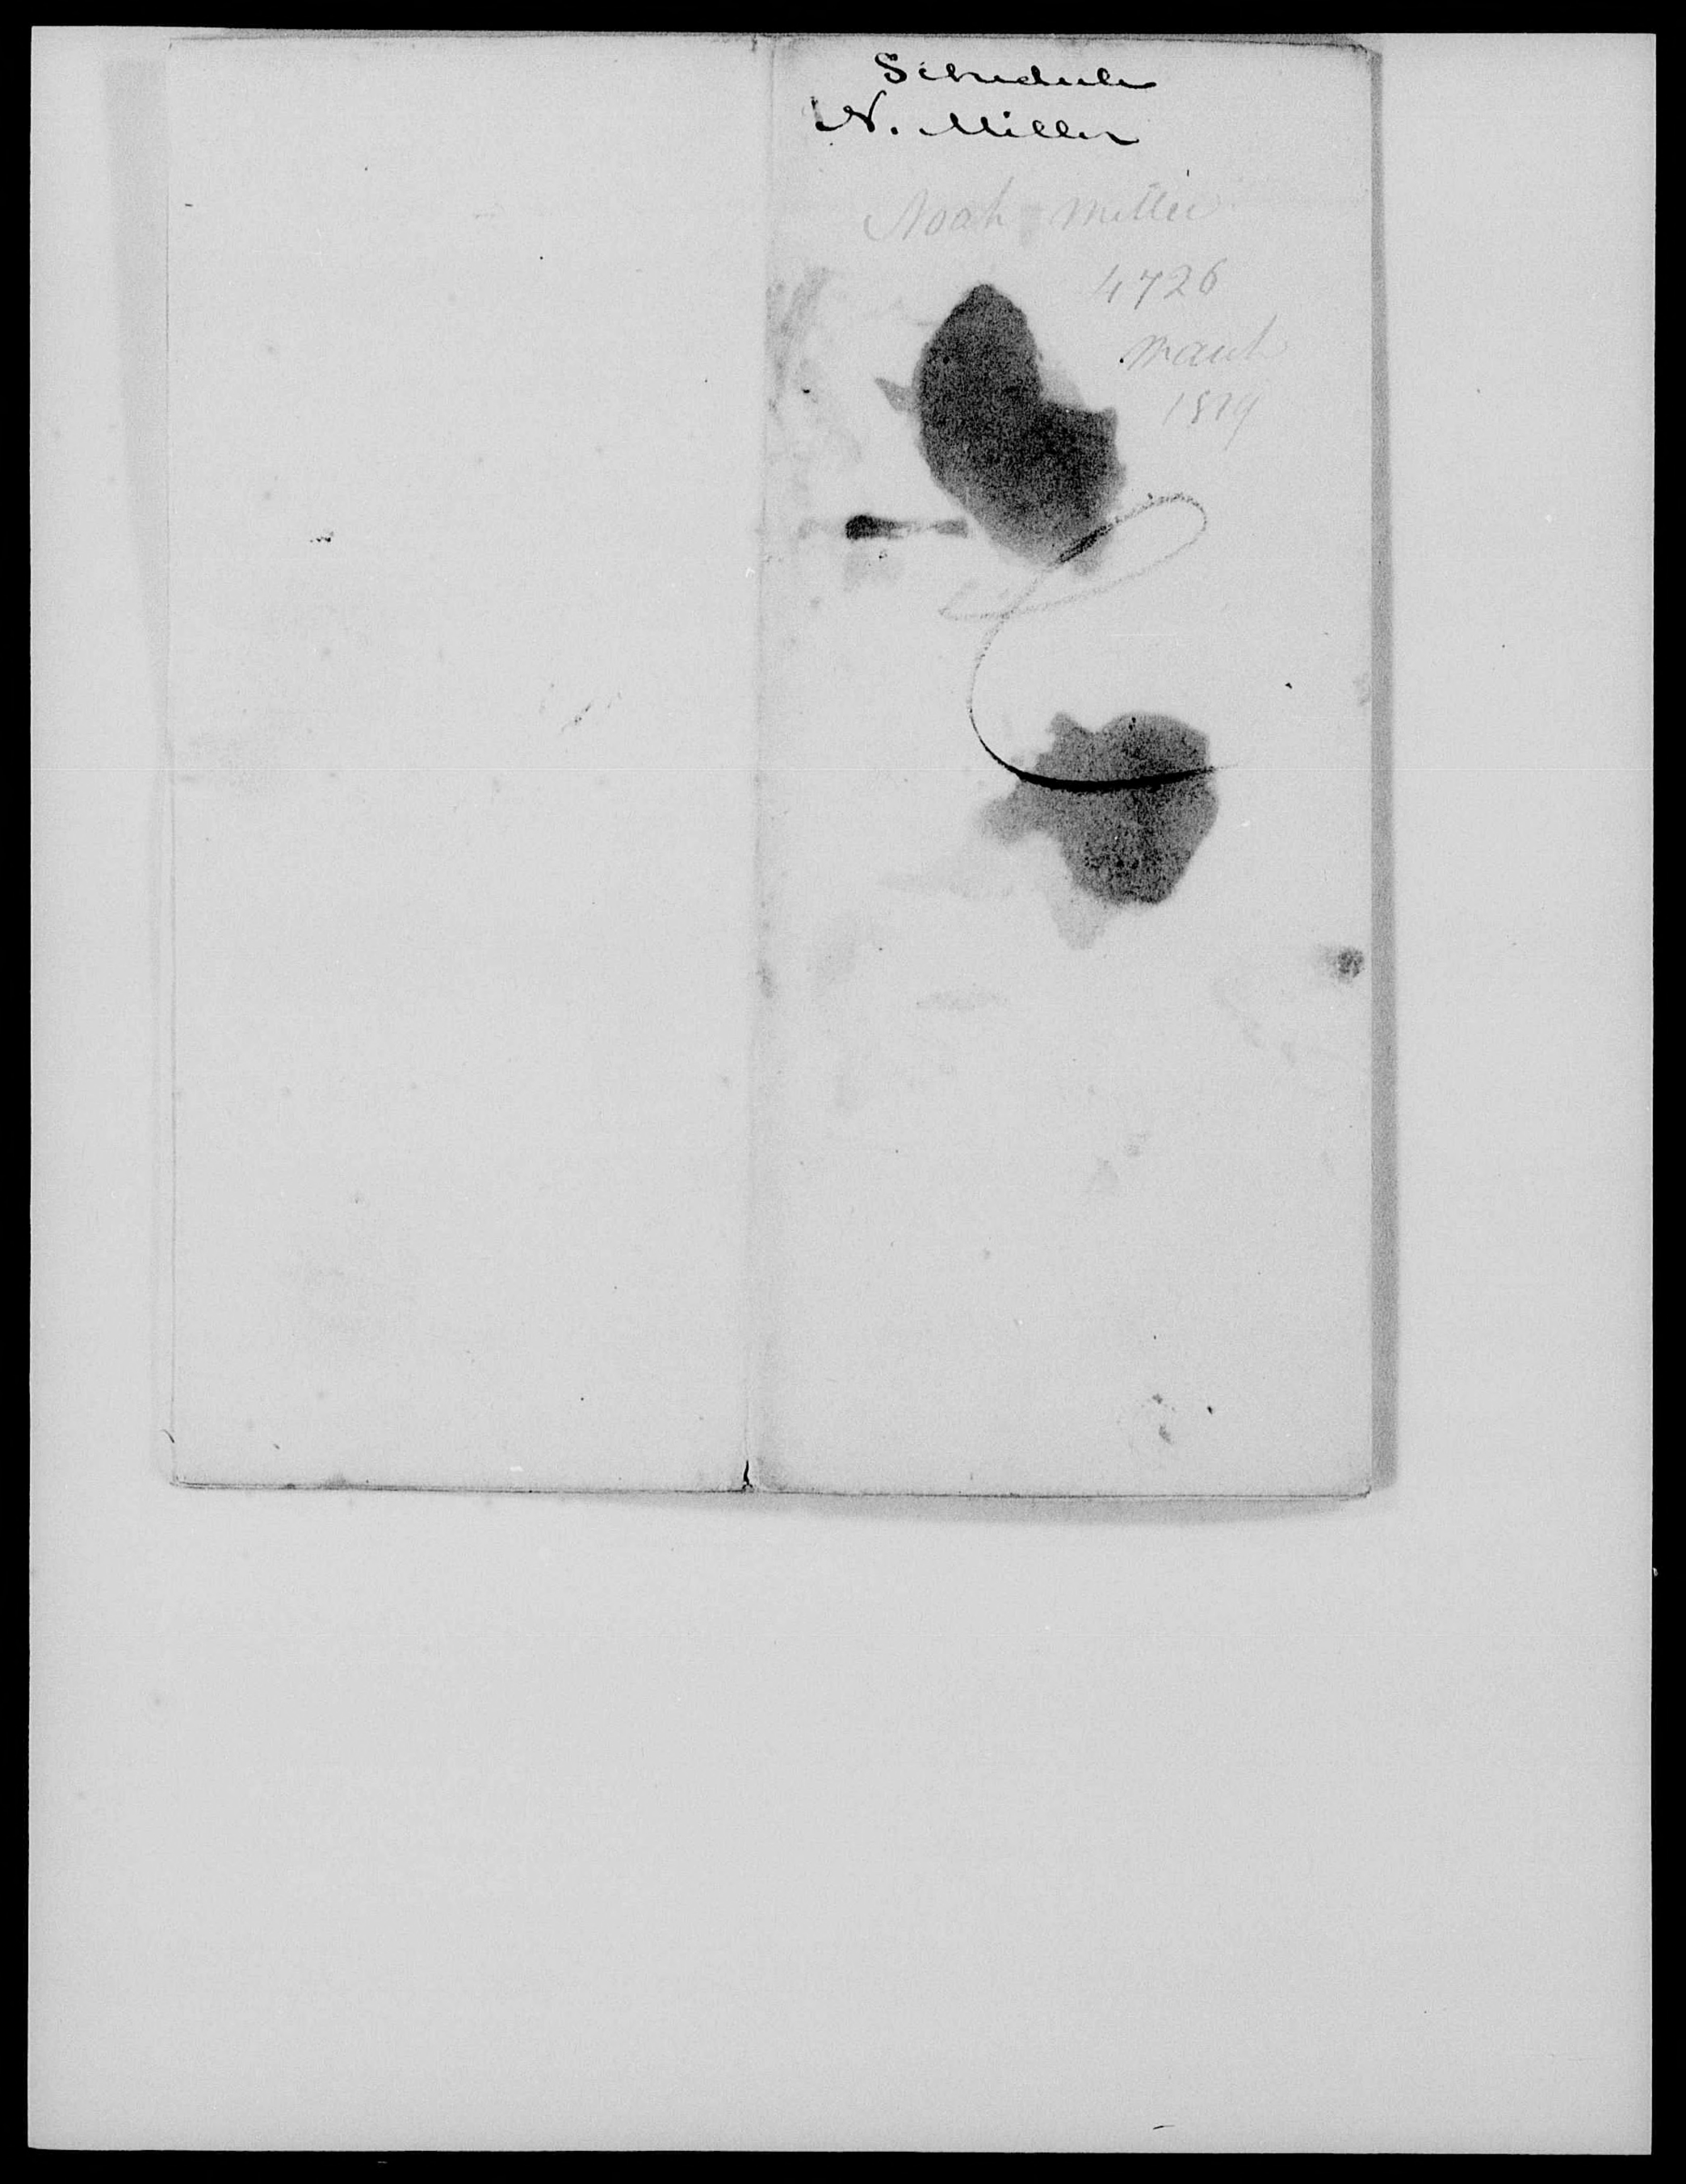Schedule
N. Miller

Noah Miller 
4726

March 1819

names: Noah Miller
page: 7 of 20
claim: survivor's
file: S. 36129, for Noah Miller, New Jersey